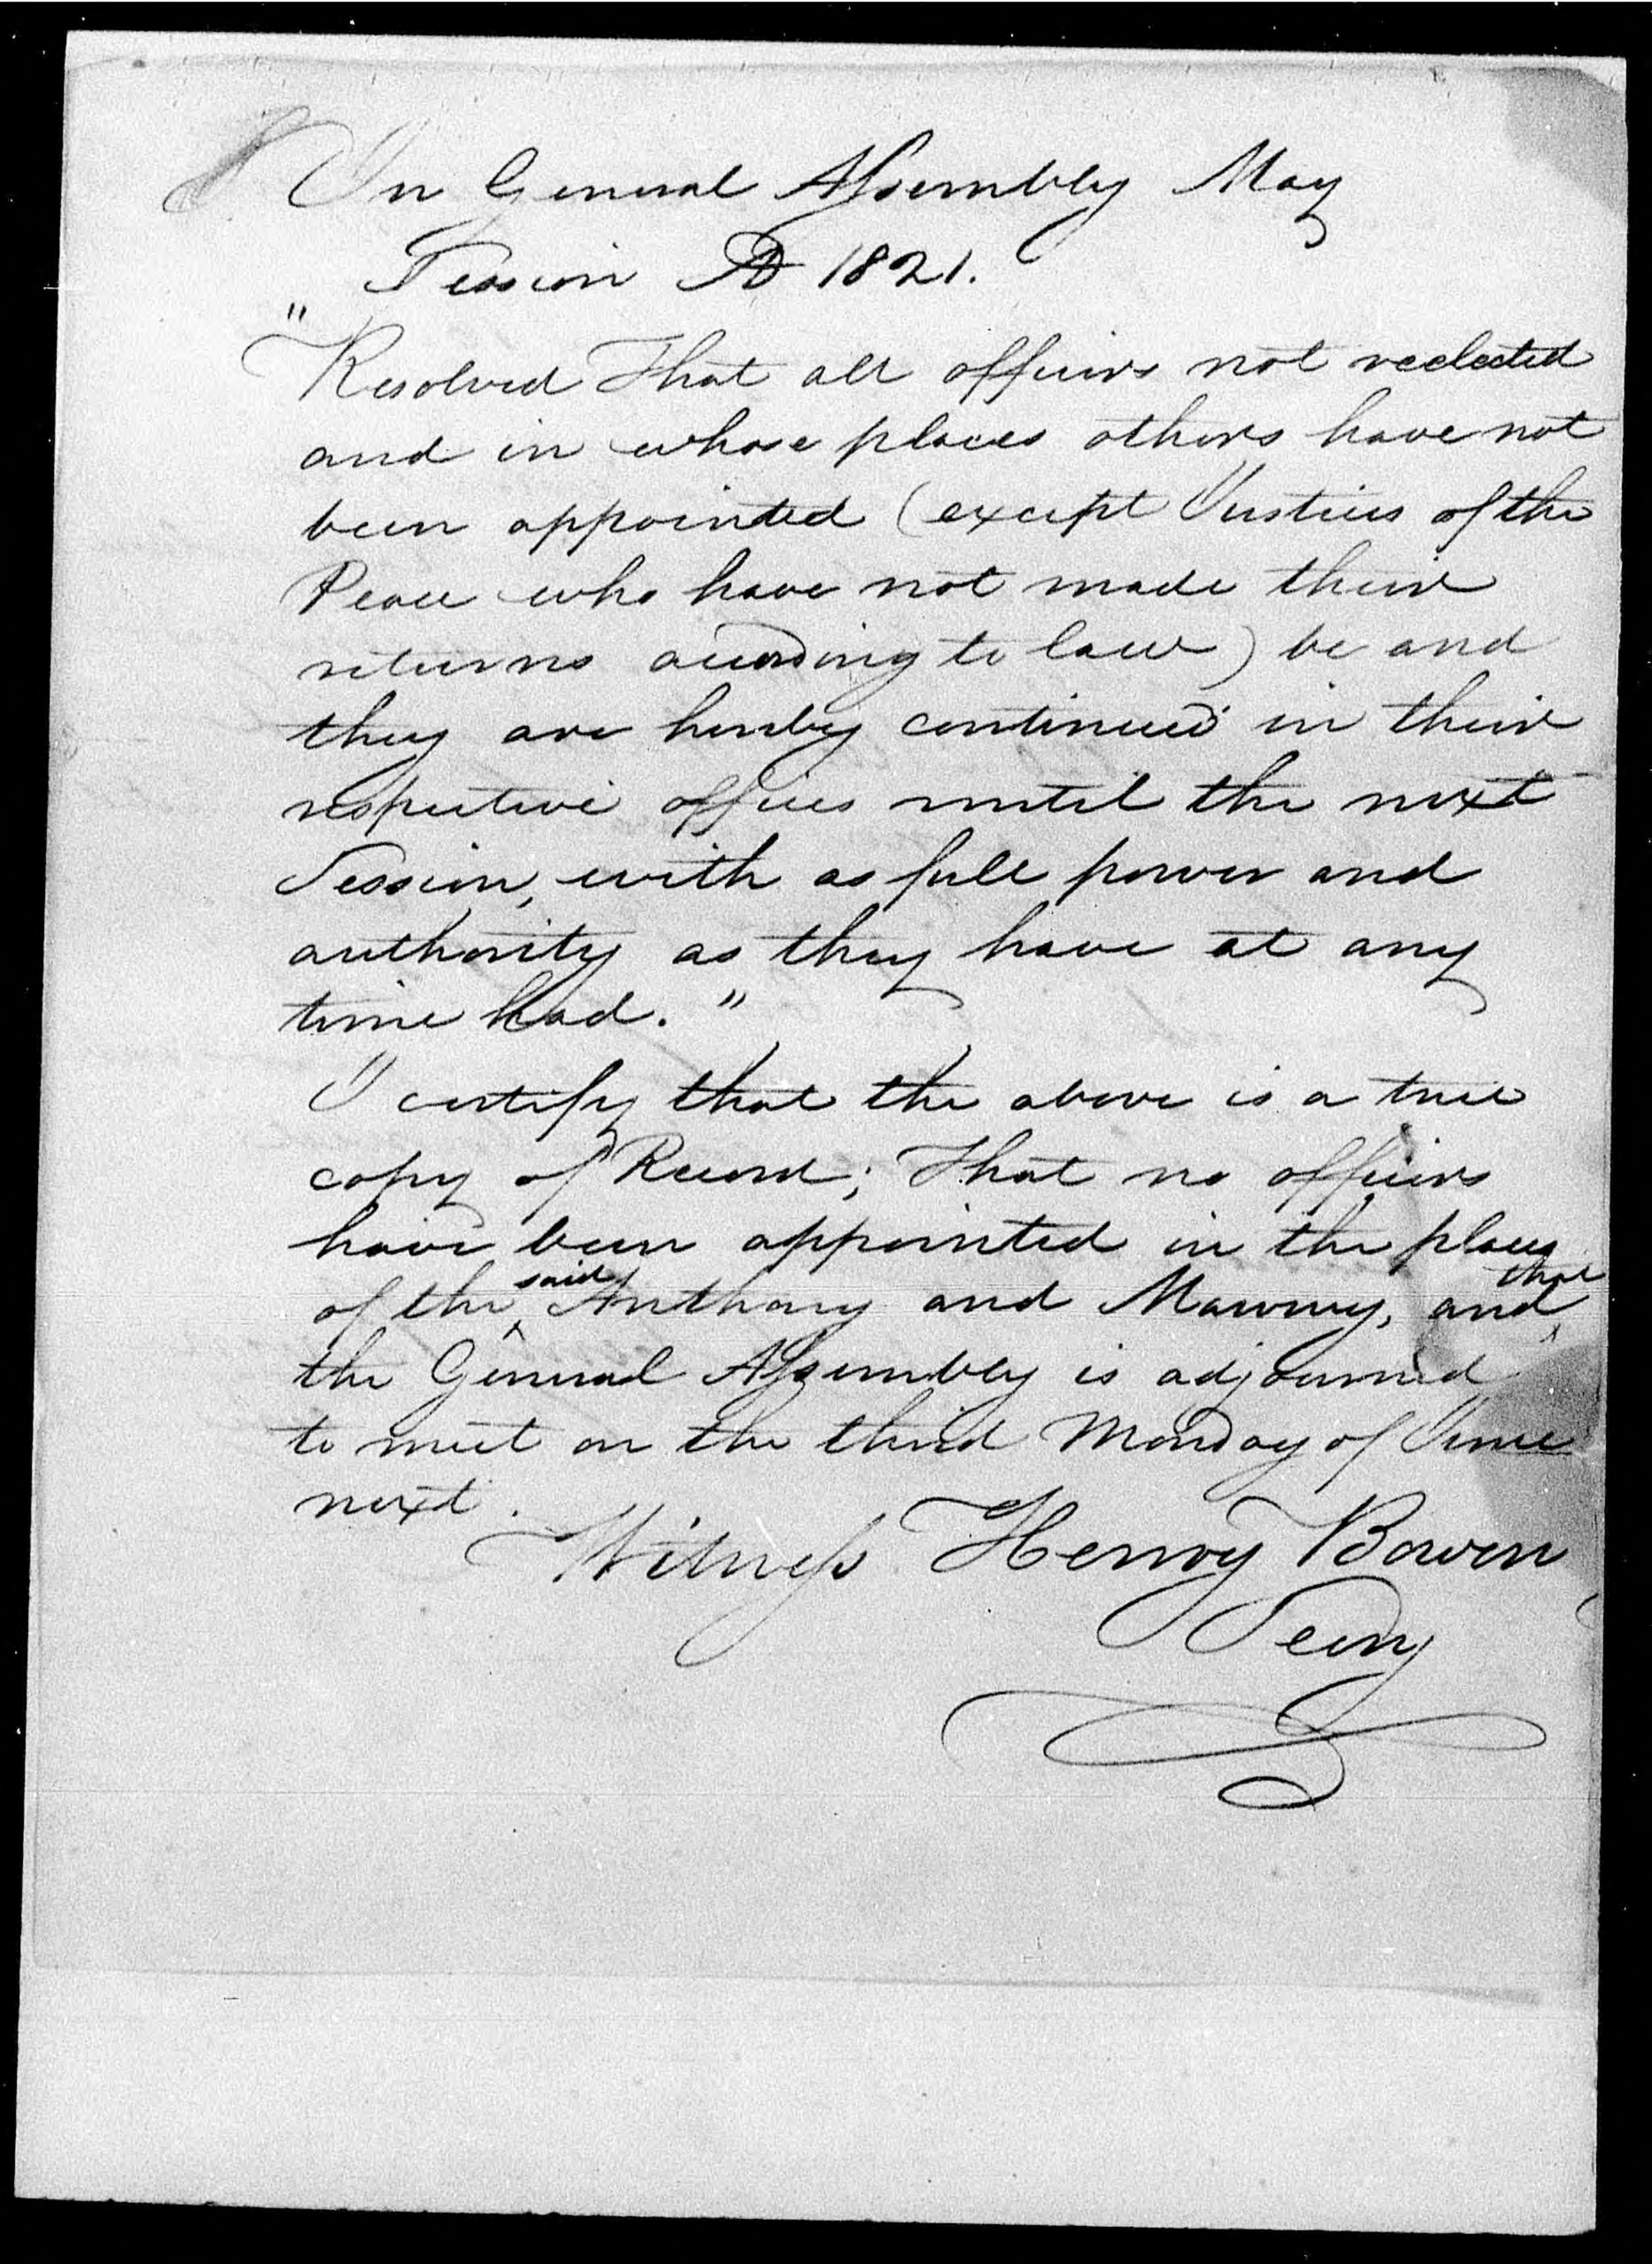In general assembly May AD 1821
I was in 
"Resolved that all officers not reelected and in whose places others have not been appointed (except Justices of the peace who have not made their returns according to law) be and they are hereby continued in their respective offices until the next session, with a full power and authority as they have at any time had."
I certify that the above is a true copy of record, that no officers have been appointed in the places of the said Anthony and Mawny and the General Assembly is adjourned to meet on the third Monday of June next. 
Witness
Henry Bowen
Terry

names: Henry Bowen, Mawney, Anthony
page: 11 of 20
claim: survivor's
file: S. 38755, Charles Greene, R.I.